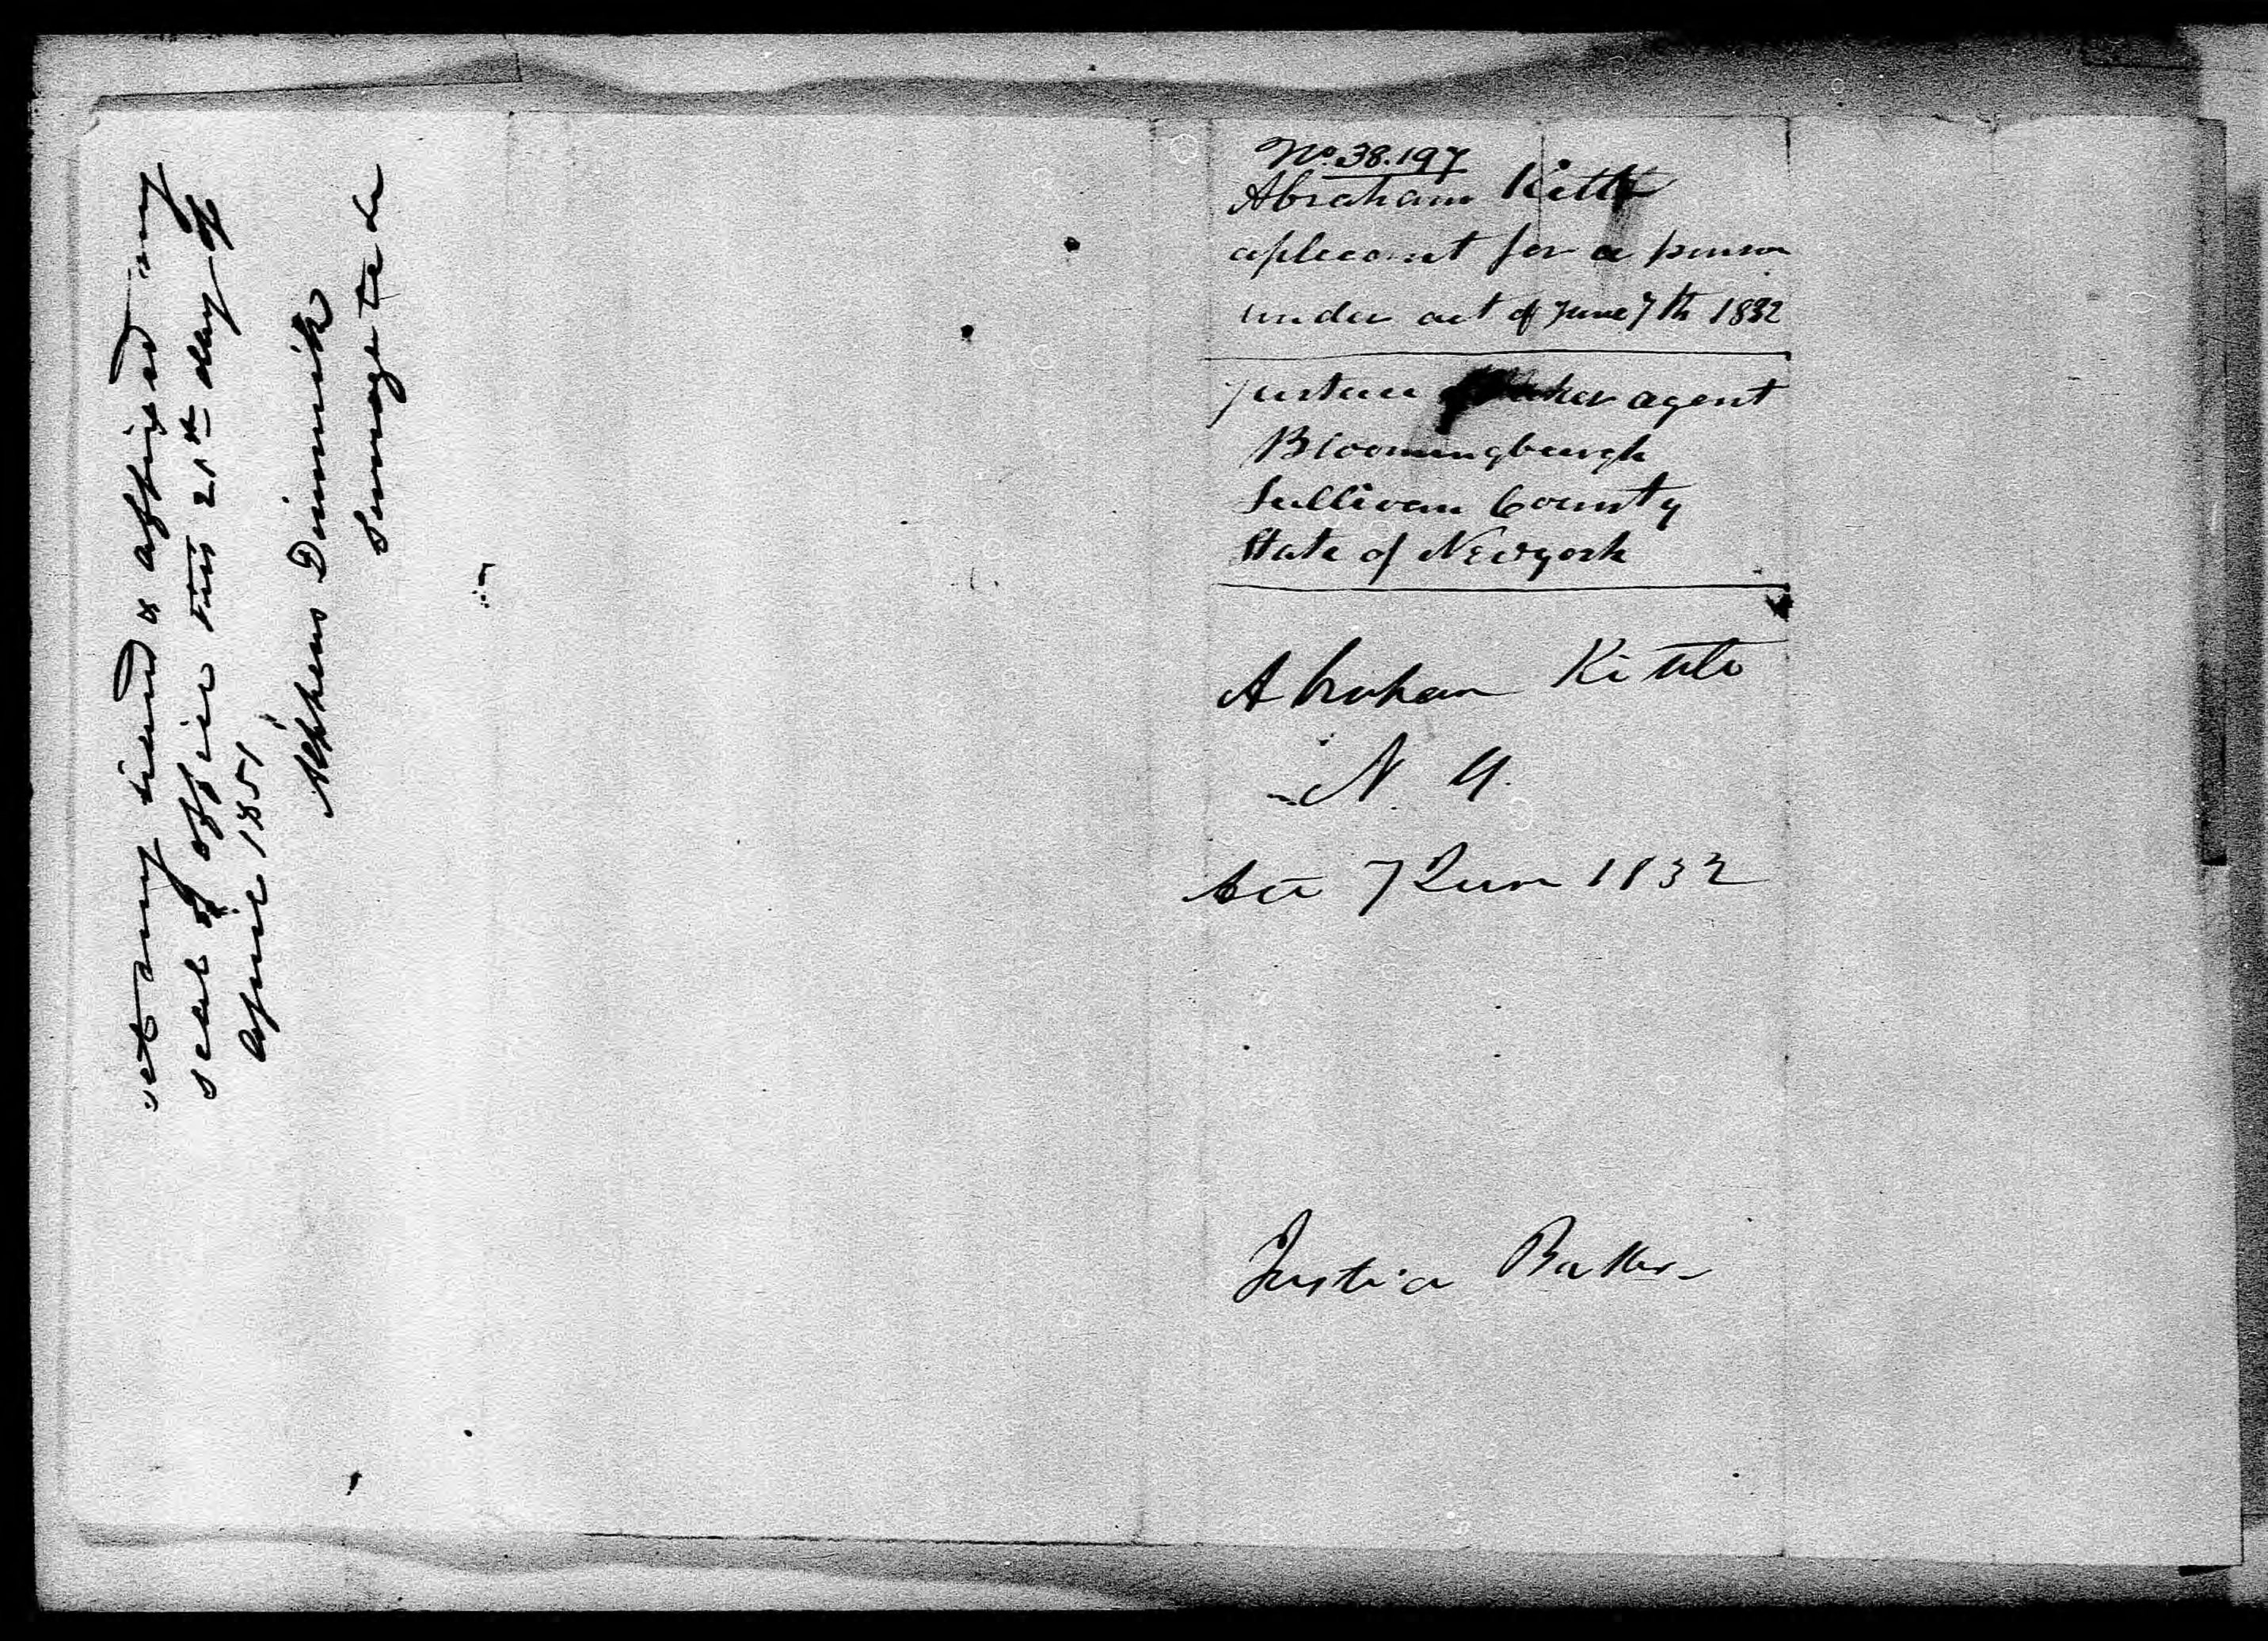Detany signed and affixed my seal of office this 21st Day of April, 1851
Alpheus Dimmick  Surrogate tc le
No 38.197 Abraham Kittle
applicant for a person under act of June 7th 1832 
justice Baker agent 
Bloomingburgh 
Sullivan County 
State of New York 
Abrahan Kittle N Y.  
Act 7 June 1832 
Justice Baker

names: Abraham Kittle; Alpheus Dimmick; [BLANK] Baker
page: 5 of 18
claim: rejected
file: R. 6002, for Abraham Kittle, New York